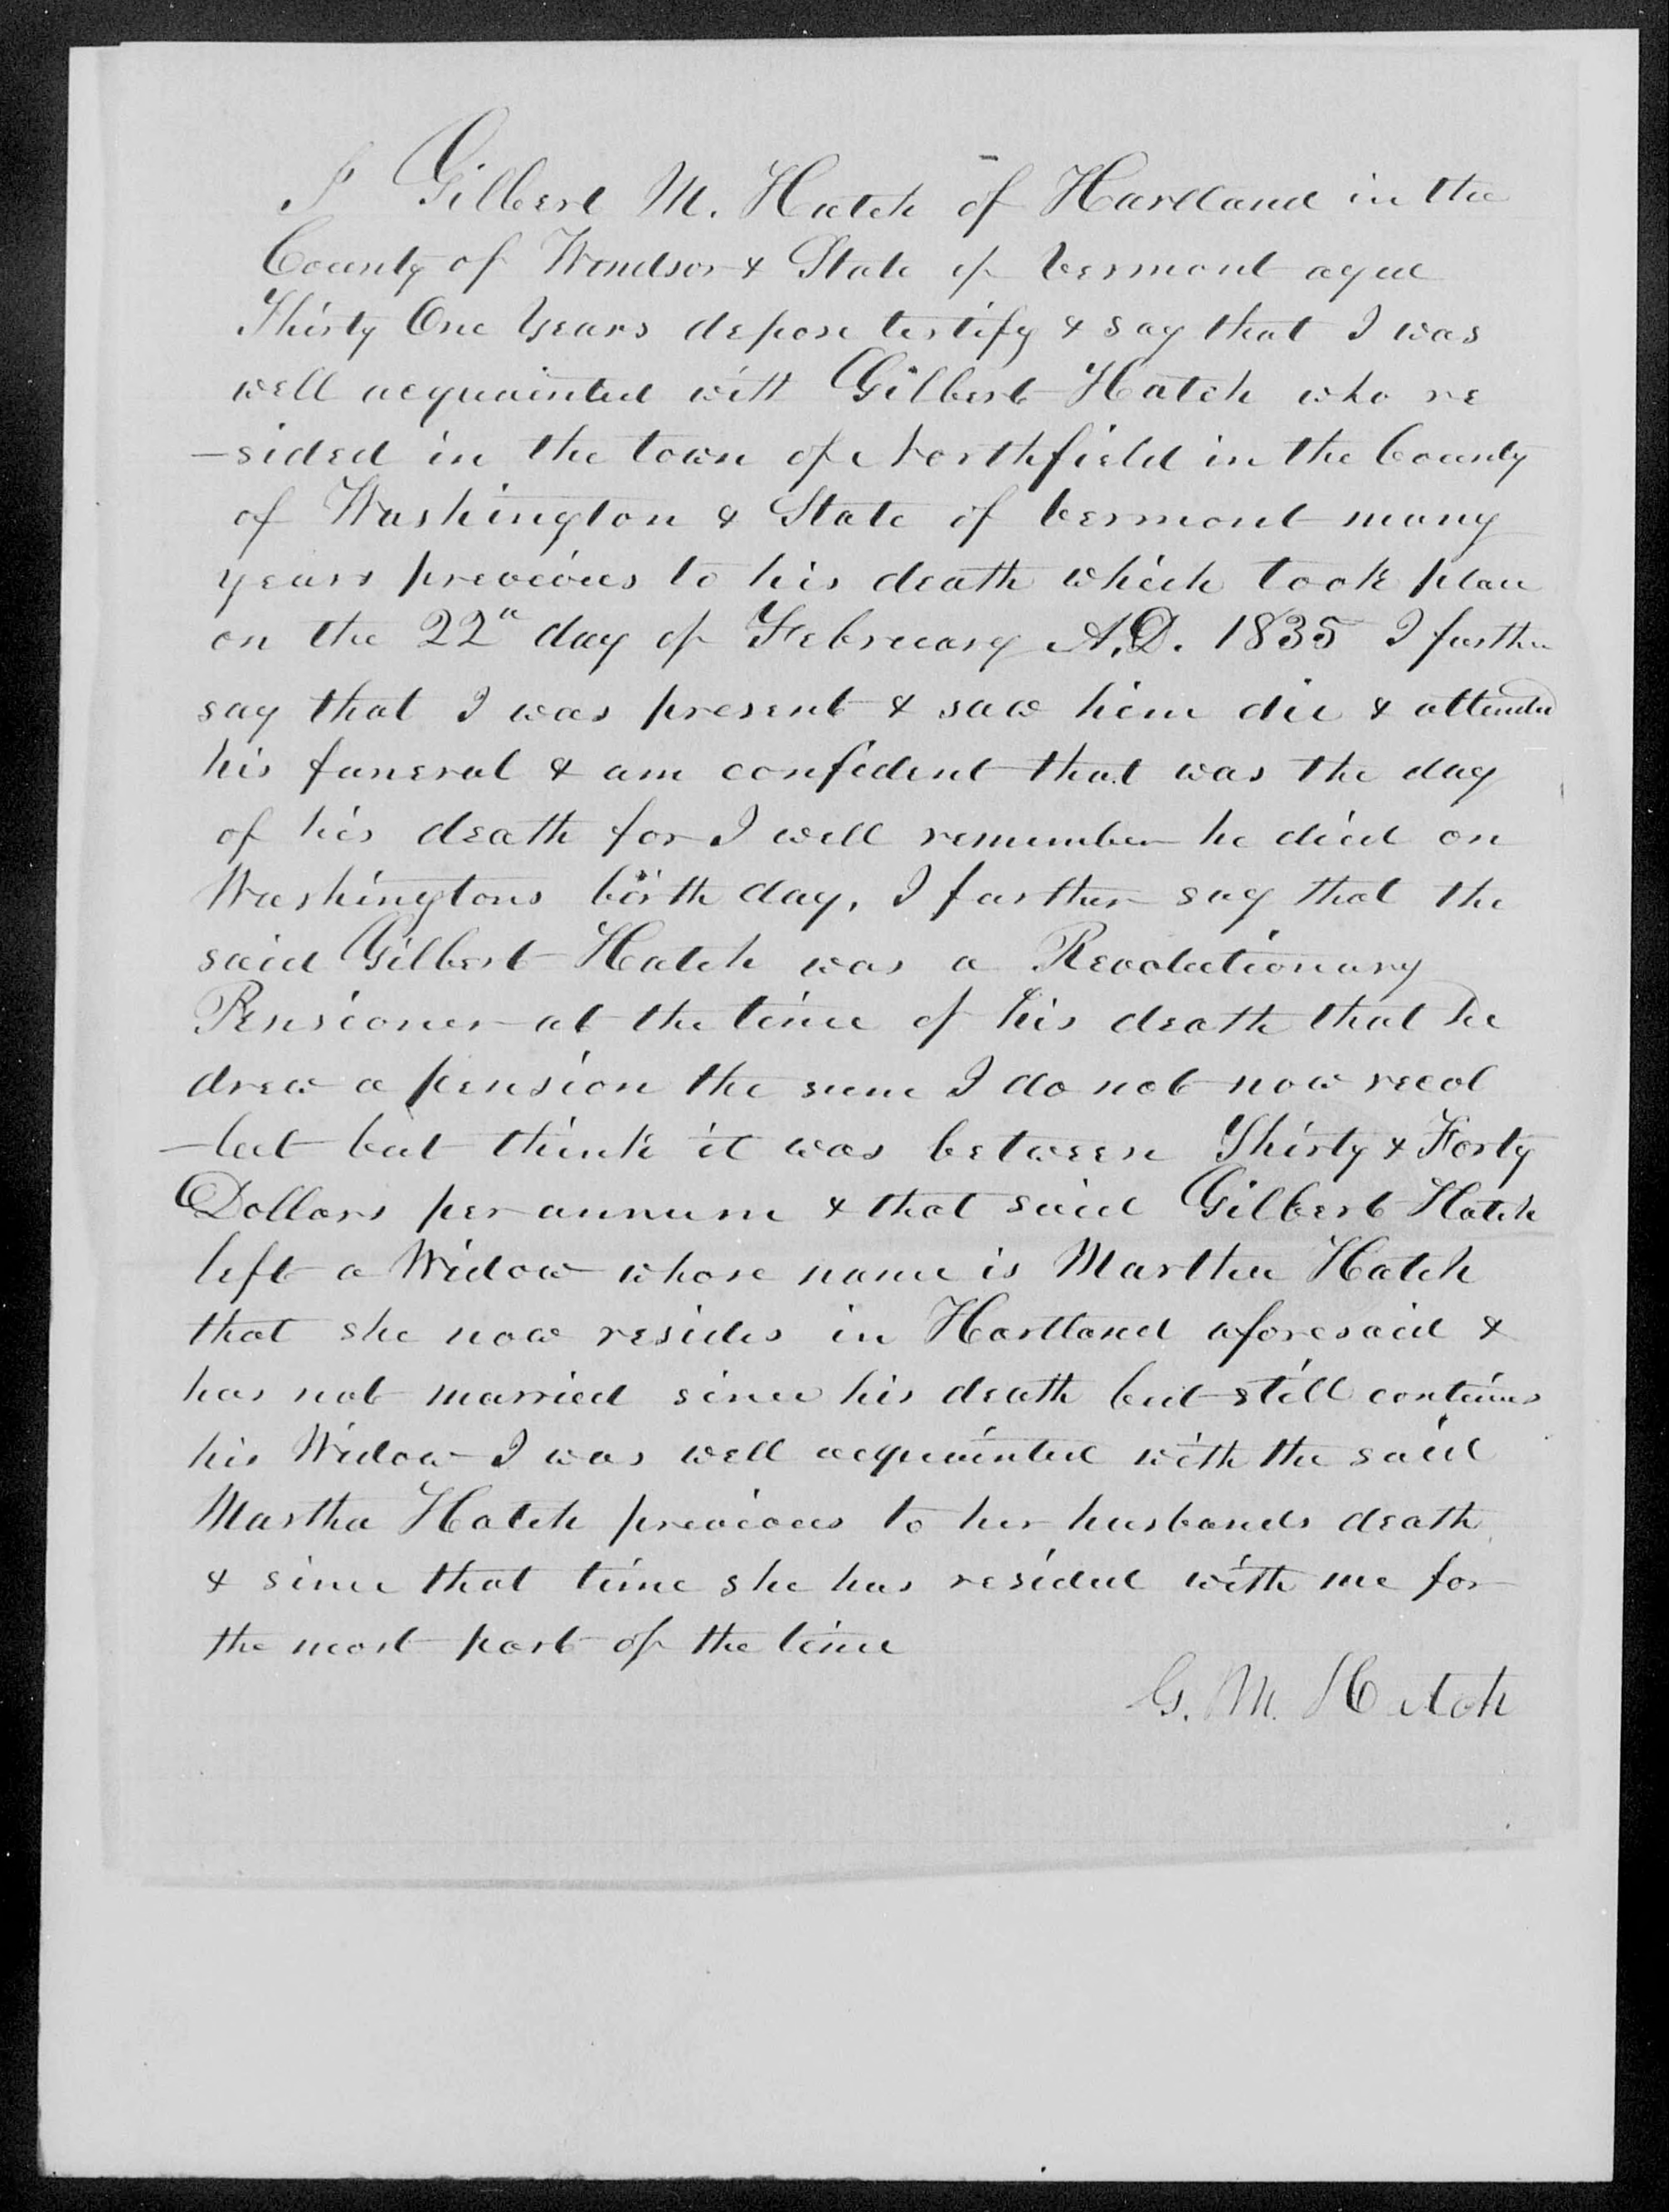[handwritten]
I Gilbert M. Hatch of Hartland in the County of Windsor & State of Vermont aged Thirty One Years depose testify & say that I was well acquainted with Gilbert Hatch who resided in the town of Northfield in the County of Washington & State of Vermont many years previous to his death which took place on the 22n day of February A.D. 1835  I further say that I was present & saw him die & attended his funeral & am confident that was the day of his death for I well remember he died on Washingtons birthday.  I further say that the said Gilbert Hatch was a Revolutionary Pensioner at the time of his death that he drew a pension the sum I do not now recollect but think it was between Thirty & Forty Dollars per annum & that said Gilbert Hatch left a Widow whose name is Martha Hatch that she now resides in Hartland aforesaid & has not married since his death but still continues his Widow -- I was well acquainted with the said Martha Hatch previous to her husbands death & since that time she has resided with me for the most part of the time.
G. M. Hatch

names: Gilbert Hatch, Martha Hatch, Gilbert Hatch, Martha Hatch, Gilbert M Hatch, G M Hatch, Gilbert Hatch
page: 22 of 47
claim: widow's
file: W. 225, Gilbert Hatch, Conn.